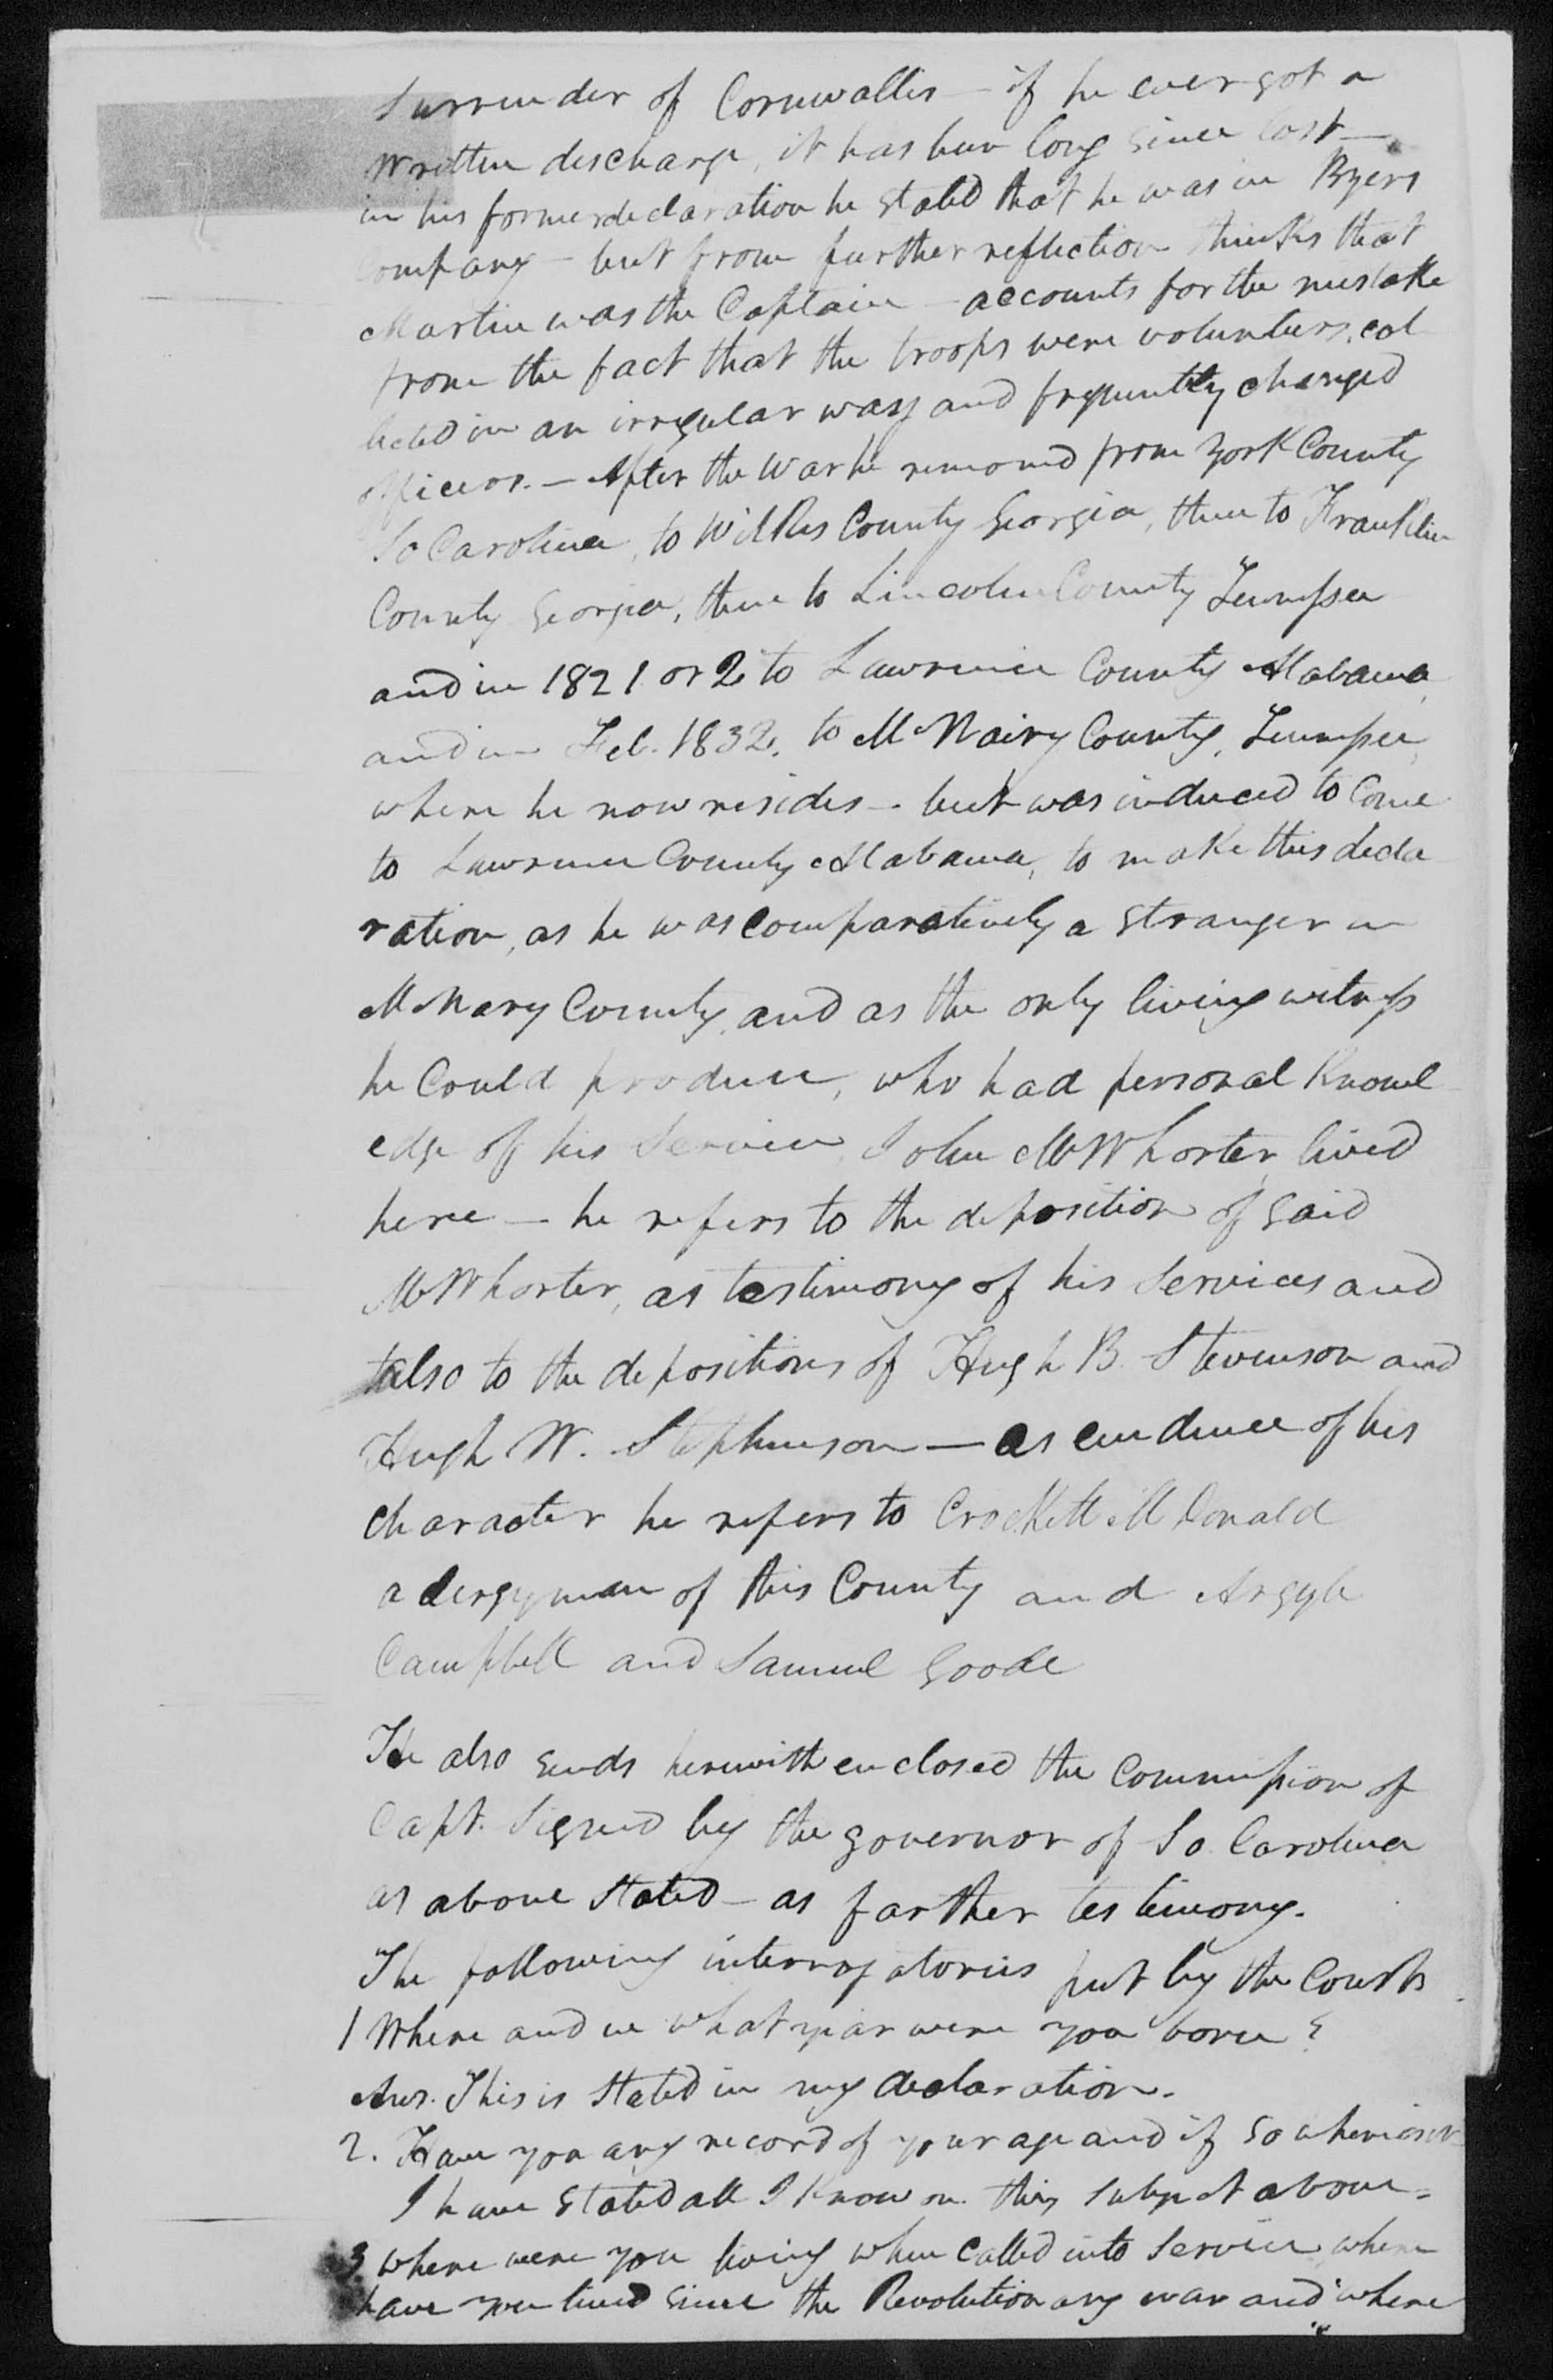surrender of Cornwallis - if he ever got a written discharge it has been long since lost - in his former declaration he stated that he was in Byers Company - but from further reflection thinks that Martin was the Captain - accounts for the mistake from the fact that the troops were volunteers collected in an irregular way and frequently changed officers. - After the war he removed from York County to Carolina to Wilkes County Georgia, then to Franklin County Georgia, then to Lincoln County Tennessee and in 1821 or 2 to Lawrence County Alabama and in Feb. 1832 to McNairy County Tennessee where he now resides, but was induced to come to Lawrence County Alabama to make this declaration, as he was comparatively a stranger in McNairy County and as he only living witness he could produce, who had personal knowledge of his service John McWhorter lived here - he refers to the deposition of said McWhorter, as testimony of his services and also to the depositions of Hugh B Stevenson and Hugh W. Stephenson - as evidence of his character he refers to Crockett McDonald a clergyman of this County and Argyle Campbell and Samuel Goode.

He also sends herewith enclosed the commission of Capt. signed by the governor of So Carolina as above stated - as farther testimony. The following interrogatories put by the Court  
1. Where and in what year were you born? 
Ansr. This is stated in my declaration.
2. Have you any record of your age and if so where is it?
I have stated all I know on this subject above.
3. Where were you living when called into service where have you lived since the Revolutionary war and where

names: Crockett Mc Donald, Hugh W Stephenson, Argyle Campbell, Mc Whorter, John Mc Whorter, Samuel Goode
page: 5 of 40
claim: rejected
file: R. 4,869, John Henderson, S.C.